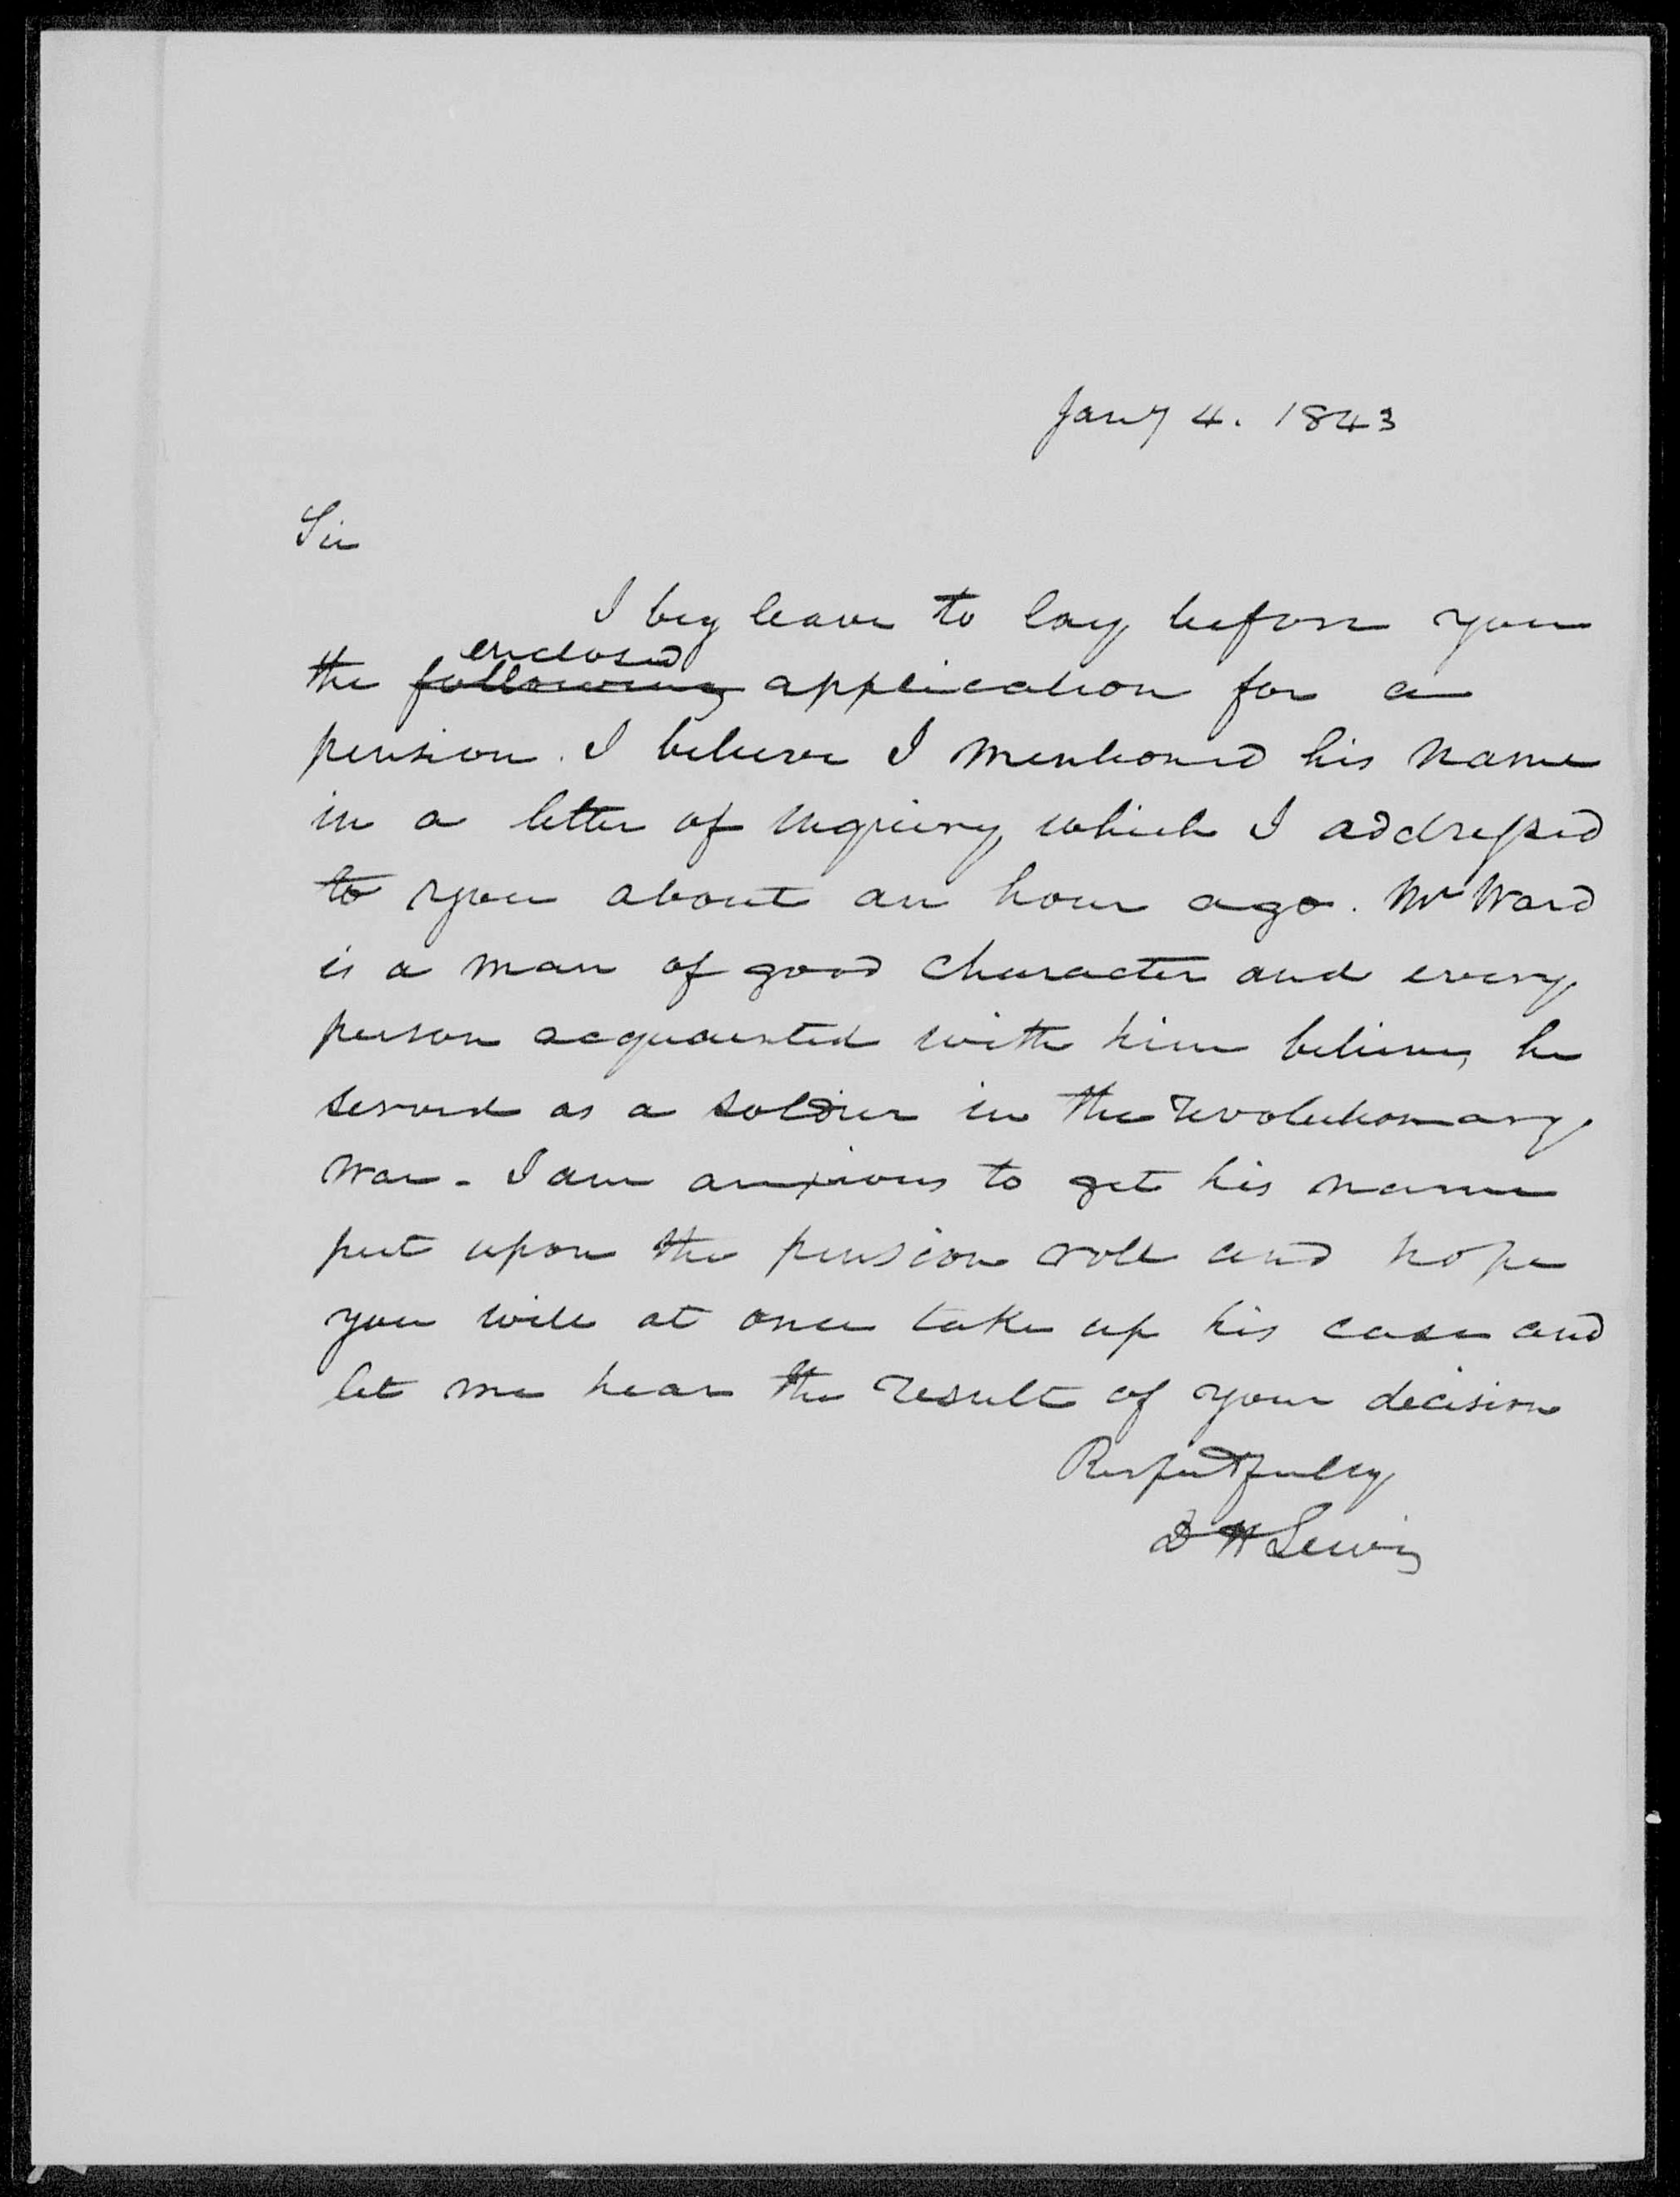Jany 4. 1843 
Sir
I beg leave to lay before you the enclosed [crossed out 'following'] application for a pension.  I believe I mentioned his name in a letter of enquiry which I addressed to you about an hour ago.  Mr Ward is a man of good character and every person acquainted with him believes he served as a soldier in the Revolutionary War.  I am anxious to get his name put upon the pension roll and hope you will at once take up his case and let me hear the results of your decision
Respectfully
D H Lewis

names: Ward, D H Lewis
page: 17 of 31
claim: survivor's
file: S. 14802, Thomas Ward, S.C.